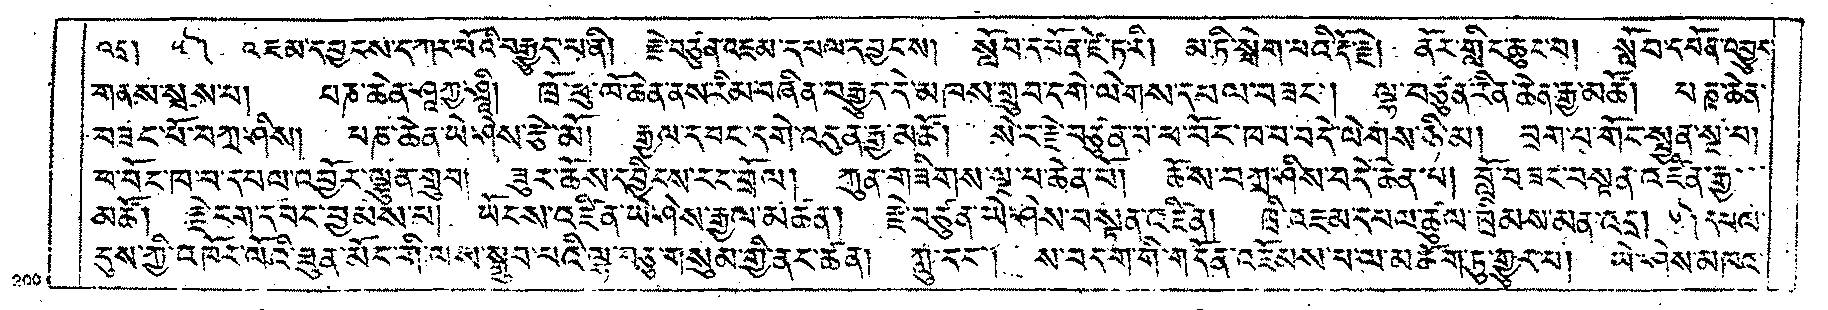འདྲ། ༥?་འཇམ་དབྱངས་དཀར་པོའི་བརྒྱུད་པ་ནི། རྗེ་བཙུན་འཇམ་དཔལ་དབྱངས། སློབ་དཔོན་ཛེ་ཏ་རི། མ་ཏི་སྒེག་པའི་རྡོ་རྗེ། ནོར་གླིང་ཆུང་བ། སློབ་དཔོན་འབྱུང་
གནས་སྦས་པ། པཎ་ཆེན་ཤཱཀྱ་ཤྲཱི། ཁྲོ་ཕུ་ལོ་ཆེན་ནས་རིམ་བཞིན་བརྒྱུད་དེ་མཁས་གྲུབ་དགེ་ལེགས་དཔལ་བཟང་། ལྷ་བཙུན་རིན་ཆེན་རྒྱ་མཚོ། པཎ་ཆེན་
བཟང་པོ་བཀྲ་ཤིས། པཎ་ཆེན་ཡེ་ཤེས་རྩེ་མོ། རྒྱལ་དབང་དགེ་འདུན་རྒྱ་མཚོ། སེ་ར་རྗེ་བཙུན་པ་ཕ་བོང་ཁ་པ་བདེ་ལེགས་ཉི་མ། བྲག་པ་གོང་སྤྱན་སྔ་པ།
ཕ་བོང་ཁ་པ་དཔལ་འབྱོར་ལྷུན་གྲུབ། ཟུར་ཆོས་དབྱིངས་རང་གྲོལ། ཀུན་གཟིགས་ལྔ་པ་ཆེན་པོ། ཆོས་བཀྲ་ཤིས་བདེ་ཆེན་པ། བློ་བཟང་བསྟན་འཛིན་རྒྱ་
མཚོ། རྗེ་ངག་དབང་བྱམས་པ། ཡོངས་འཛིན་ཡེ་ཤེས་རྒྱལ་མཚན། རྗེ་བཙུན་ཡེ་ཤེས་བསྟན་འཛིན། ཁྲི་འཇམ་དཔལ་ཚུལ་ཁྲིམས་མན་འདྲ། ༦?་དཔལ་
དུས་ཀྱི་འཁོར་ལོའི་ཐུན་མོང་གི་ལས་སྒྲུབ་པའི་ལྷ་བཅུ་གསུམ་གྱི་ནང་ཚན། ཀླུ་དང་། ས་བདག་གི་གདོན་འཇོམས་པ་ལ་མཆོག་ཏུ་གྱུར་པ། ཡེ་ཤེས་མཁའ་